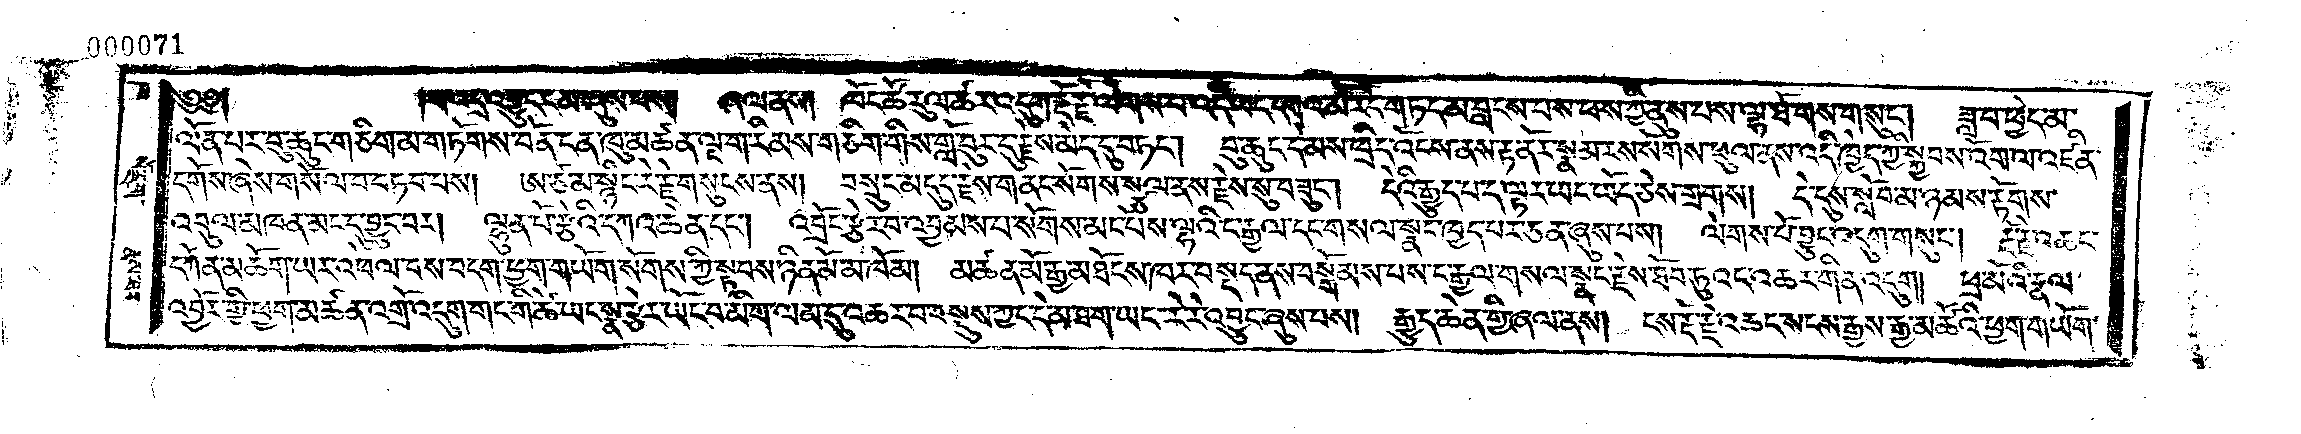༄༅། །ག་འདྲ་འབྱུང་ངམ་ཞུས་པས། ཞལ་ནས། ཁོང་ཚོ་རུལ་ཚར་འདུག་རྡོ་རྗེ་ལེགས་པ་འདི་ཡང་དགའ་མོ་རེད་གཏད་མ་བླངས་པས་ཕས་ཀྱི་ནུས་པས་ལྷ་ཐོ་གས་གསུང་། ཟླ་བ་ཕྱེད་མ་
ལོན་པར་བུ་ཆུང་གཅིག་མ་གཏོགས་བོན་དན་ཁུ་མཚན་ལྔ་ག་རིམས་གཅིག་གིས་གློ་བུར་དུ་རྗེས་མེད་དུ་བཏང་། བུ་ཆུང་དེ་མས་ཁྲིད་འོངས་ནས་རྟ་ནོར་སྣམ་རས་སོགས་ཕུལ་ནས་འདི་ཁྱེད་ཀྱི་སྐྱབས་འོག་ལ་འཛིན་
དགོས་ཞེས་གསོལ་བ་བཏབ་པས། ཨ་ཙ་མ་སྙིང་རེ་རྗེ་གསུངས་ནས། བསྲུང་མདུད་རྗེས་གནང་སོགས་སྩལ་ནས་རྗེས་སུ་བཟུང་། དེའི་རྒྱུད་པ་ད་ལྟར་ཡང་ཡོད་ཅེས་གྲགས། དེ་དུས་སློབ་མ་ཉམས་རྟོགས་
འབུལ་མཁན་མང་དུ་བྱུང་བར། ལྷུན་པོ་རྩེའི་དཀའ་ཆེན་དང་། འབྲོང་རྩེ་རབ་འབྱམས་པ་སོགས་མང་པོས་ལྷའི་ང་རྒྱལ་དང་གསལ་སྣང་ཁྱད་པར་ཅན་ཞུས་པས། ལེགས་པོ་བྱུང་འདུག་གསུང་། རྡོ་རྗེ་འཆང་
དཀོན་མཆོག་ཡར་འཕེལ་བས་བདག་ཕྱུག་གཡོག་སོགས་ཀྱི་སྟབས་ཉིན་མོ་མ་ཁོམ། མཚན་མོ་རྒྱ་མཐོངས་ཁར་བསྡད་ནས་བསྒོམས་པས་ང་རྒྱལ་གསལ་སྣང་རྗེས་ཐོབ་ཏུའང་འཆར་གིན་འདུག། ཕྲ་མོའི་རྣལ་
འབྱོར་གྱི་ཕྱག་མཚན་འགྲོ་འདུག་གང་གི་ཚེ་ཡང་སྣ་རྩེར་ཡོང་བ་མིག་ལམ་དུ་འཆར་བ་བསྡུས་ཀྱང་དེ་མ་ཐག་ཡང་རེ་རེ་འབྱུང་ཞུས་པས། རྒྱུད་ཆེན་གྱི་ཞལ་ནས། ངས་རྡོ་རྗེ་འཆང་སངས་རྒྱས་རྒྱ་མཚོའི་ཕྱག་གཡོག་